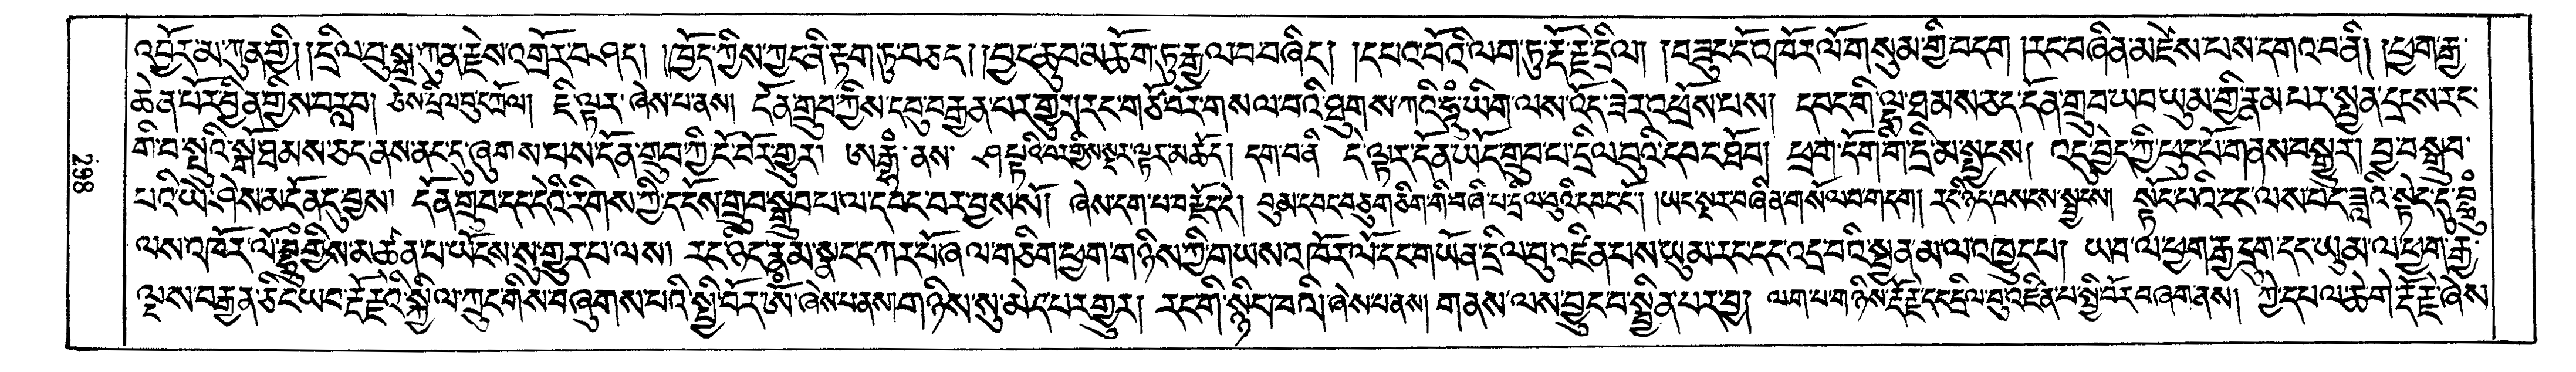འབྱོར་མ་ཀུན་གྱི། །དྲིལ་བུ་སྒྲ་ཀུན་རྗེས་འགྲོར་བཤད། །ཁྱོད་ཀྱིས་ཀྱང་ནི་རྟག་ཏུ་བཅད། །བྱང་ཆུབ་མཆོག་ཏུ་རྒྱལ་བ་བཞེད། །དཔའ་བོའི་ལག་ཏུ་རྡོ་རྗེ་དྲིལ། །བཟུང་ངོ་འཁོར་ལོ་གསུམ་གྱི་བདག །རང་བཞིན་མཛེས་པས་དགའ་བ་ནི། །ཕྱག་རྒྱ་
ཆེན་པོར་བྱིན་གྱིས་བརླབ། ཅེས་དྲིལ་བུ་དཀྲོལ། ཇི་ལྟར་ཞེས་པ་ནས། དོན་གྲུབ་ཀྱིས་དབུ་བརྒྱན་པར་གྱུར། རང་གཙོ་བོར་གསལ་བའི་ཐུགས་ཀའི་ཧཱུཾ་ཡིག་ལས་འོད་ཟེར་འཕྲོས་པས། དབང་གི་ལྷ་ཐམས་ཅད་དོན་གྲུབ་ཡབ་ཡུམ་གྱི་རྣམ་པར་སྤྱན་དྲངས་རང་
གི་བ་སྤུའི་སྒོ་ཐམས་ཅད་ནས་ནང་དུ་ཞུགས་པས་དོན་གྲུབ་ཀྱི་ངོ་བོར་གྱུར། ཨརྒྷཾ་ནས་ཤཔྟའི་བར་གྱིས་སྔར་ལྟར་མཆོད། དག་བ་ནི། དེ་ལྟར་དོན་ཡོད་གྲུབ་པ་དྲིལ་བུའི་དབང་ཐོབ། ཕྲག་དོག་གི་དྲི་མ་སྦྱངས། འདུ་བྱེད་ཀྱི་ཕུང་པོ་གནས་བསྒྱུར། བྱ་བ་སྒྲུབ་
བའི་ཡེ་ཤེས་མངོན་དུ་བྱས། དོན་གྲུབ་དང་དེའི་རིགས་ཀྱི་དངོས་གྲུབ་སྒྲུབ་པ་ལ་དབང་བར་བྱས་སོ། ཞེས་དག་པ་བརྗོད་དེ། བུམ་དབང་བཅུ་གཅིག་གི་བཞི་པ་དྲིལ་བུའི་དབང་ངོ། །ཡང་སྔར་བཞིན་གསོལ་བ་གདབ། རང་ཉིད་བསངས་སྦྱངས། སྟོང་པའི་ངང་ལས་པད་ཟླའི་སྟེང་དུ་བྷཱུཾ་
ལས་འཁོར་ལོ་བྷུཾ་གྱིས་མཚན་པ་ཡོངས་སུ་གྱུར་པ་ལས། རང་ཉིད་རྣམ་སྣང་དཀར་པོ་ཞལ་གཅིག་ཕྱག་གཉིས་ཀྱི་གཡས་འཁོར་ལོ་དང་གཡོན་དྲིལ་བུ་འཛིན་པས་ཡུམ་རང་དང་འདྲ་བའི་སྤྱན་མ་ལ་འཁྱུད་པ། ཡབ་ལ་ཕྱག་རྒྱ་དྲུག་དང་ཡུམ་ལ་ཕྱག་རྒྱ་
ལྔས་བརྒྱན་ཅིང་ཡབ་རྡོ་རྗེའི་སྐྱིལ་ཀྲུང་གིས་བཞུགས་པའི་སྤྱི་བོར་ཨོཾ་ཞེས་བ་ནས། གཉིས་སུ་མེད་པར་གྱུར། རང་གི་སྙིང་ཁའི་ཞེས་པ་ནས། གནས་ལས་བྱུང་བ་སྦྱིན་པར་བྱ། ལག་པ་གཉིས་རྡོ་རྗེ་དང་དྲིལ་བུ་འཛིན་པ་སྤྱི་བོར་བཞག་ནས། ཀྱེ་དཔལ་ཆེ་གེ་རྡོ་རྗེ་ཞེས་